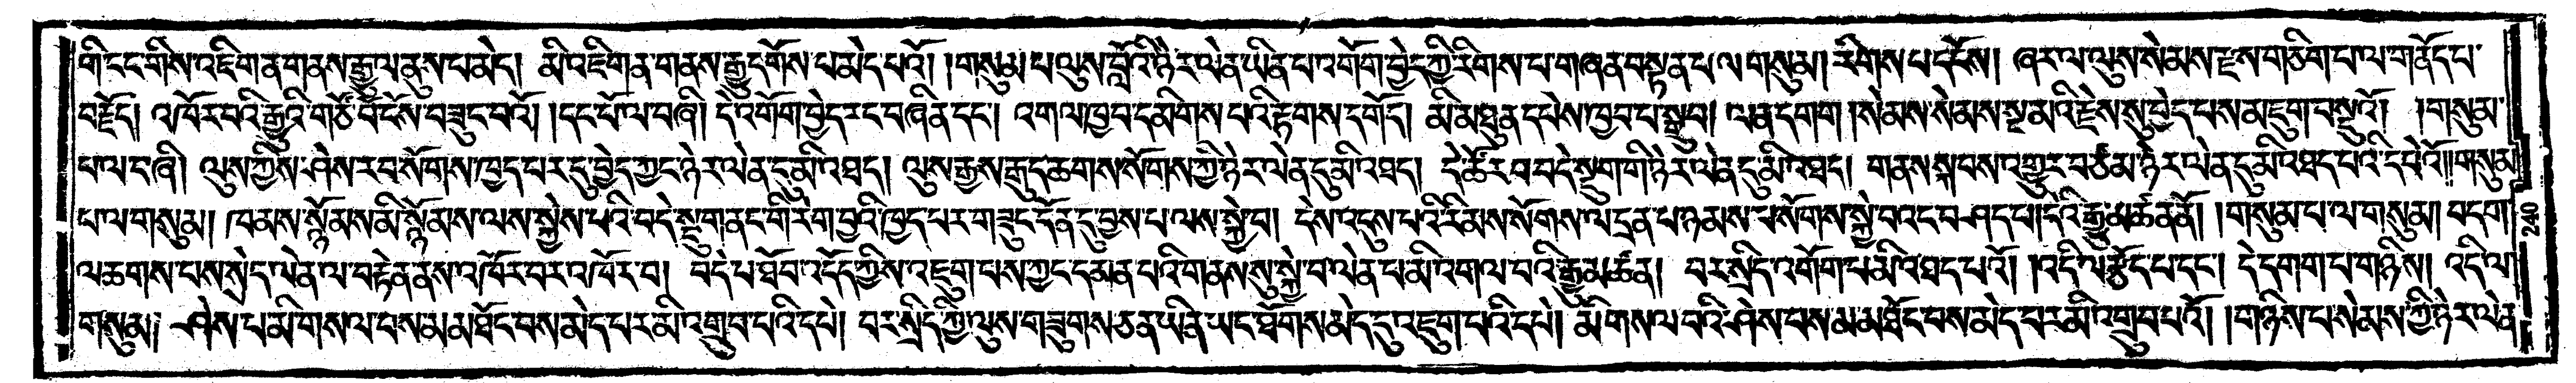གི་ངང་གིས་འཇིག་ན་གནས་རྒྱུ་ལ་ནུས་པ་མེད། མི་འཇིག་ན་གནས་རྒྱུ་དགོས་པ་མེད་པའོ། །གསུམ་པ་ལུས་བློའི་ཉེར་ལེན་ཡིན་པ་འགོག་བྱེད་ཀྱི་རིགས་པ་གཞན་བསྟན་པ་ལ་གསུམ། རིགས་པ་དངོས། ཞར་ལ་ལུས་སེམས་རྫས་གཅིག་པ་ལ་གནོད་པ་
བརྗོད། འཁོར་བའི་རྒྱུའི་གཙོ་བོ་ངོས་བཟུང་བའོ། །དང་པོ་ལ་བཞི། དེ་འགོག་བྱེད་རང་བཞིན་དང་། འགལ་ཁྱབ་དམིགས་པའི་རྟགས་དགོད། མི་མཐུན་དཔེས་ཁྱབ་པ་སྒྲུབ། ལན་དགག །སེམས་སེམས་སྔ་མའི་རྗེས་སུ་བྱེད་པས་མཇུག་བསྡུའོ། །གསུམ་
པ་ལ་བཞི། ལུས་ཀྱིས་ཤེས་རབ་སོགས་ཁྱད་པར་དུ་བྱེད་ཀྱང་ཉེར་ལེན་དུ་མི་འཐད། ལུས་རྒྱས་རྒུད་ཆགས་སོགས་ཀྱི་ཉེར་ལེན་དུ་མི་འཐད། དེ་ཚོར་བ་བདེ་སྡུག་གི་ཉེར་ལེན་དུ་མི་འཐད། གནས་སྐབས་འགྱུར་བ་ཙམ་ཉེར་ལེན་དུ་མི་འཐད་པའི་དཔེའོ། །གསུམ་
པ་ལ་གསུམ། ཁམས་སྙོམས་མི་སྙོམས་ལས་སྐྱེས་པའི་བདེ་སྡུག་ནང་གི་རེག་བྱའི་ཁྱད་པར་གཟུང་དོན་དུ་བྱས་པ་ལས་སྐྱེ་བ། དེས་འདུས་པའི་རིམས་སོགས་ལ་དྲན་པ་ཉམས་པ་སོགས་སྐྱེ་བའང་བཤད་པ། དེའི་རྒྱུ་མཚན་ནོ། །གསུམ་པ་ལ་གསུམ། བདག་
ལ་ཆགས་པས་སྲེད་ལེན་ལ་བརྟེན་ནས་འཁོར་བར་འཁོར་བ། བདེ་བ་ཐོབ་འདོད་ཀྱིས་འཇུག་པས་ཀྱང་དམན་པའི་གནས་སུ་སྐྱེ་བ་ལེན་པ་མི་འགལ་བའི་རྒྱུ་མཚན། བར་སྲིད་འགོག་པ་མི་འཐད་པའོ། །འདི་ལ་རྩོད་པ་དང་། དེ་དགག་པ་གཉིས། འདི་ལ་
གསུམ། ཤེས་པ་མི་གསལ་བས་མ་མཐོང་བས་མེད་པར་མི་འགྲུབ་པའི་དཔེ། བར་སྲིད་ཀྱི་ལུས་གཟུགས་ཅན་ཡིན་ཡང་ཐོགས་མེད་དུ་འཇུག་པའི་དཔེ། མི་གསལ་བའི་ཤེས་པས་མ་མཐོང་བས་མེད་པར་མི་འགྲུབ་པའོ། །གཉིས་པ་སེམས་ཀྱི་ཉེར་ལེན་